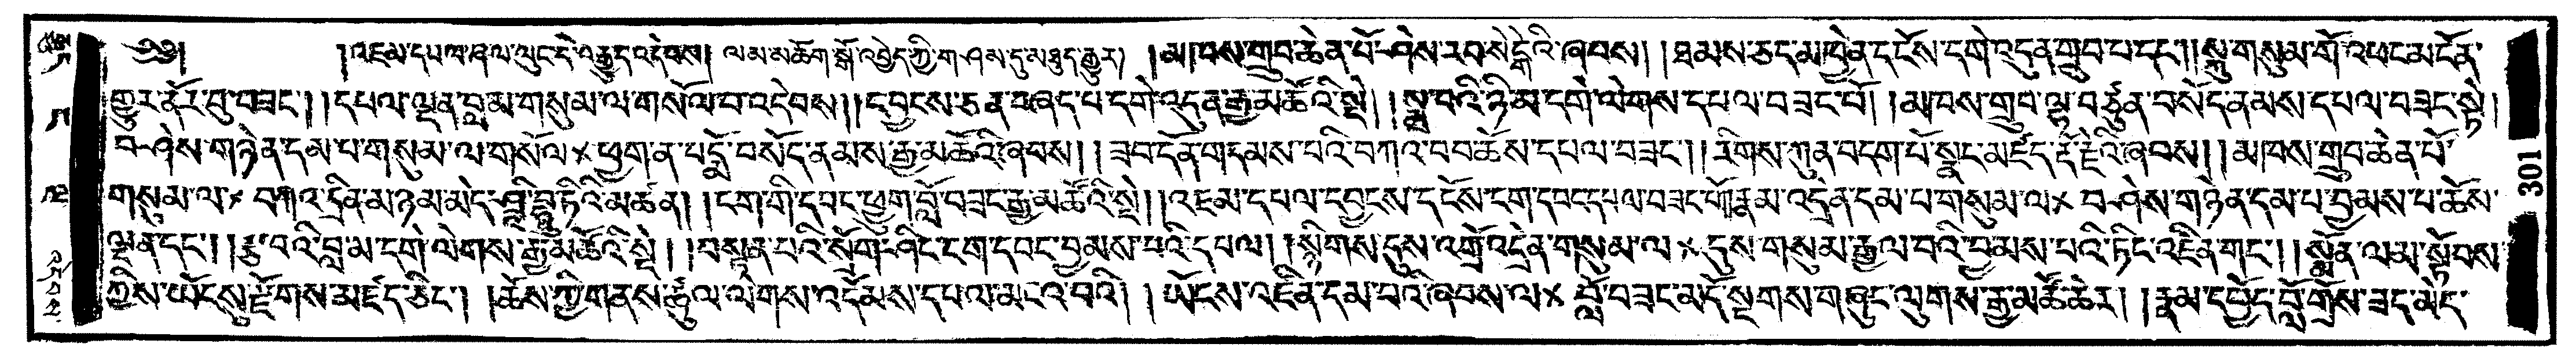༄༅། །འཇམ་དཔལ་ཞལ་ལུང་དེ་བརྒྱུད་འདེབས། ལམ་མཆོག་སྒོ་འབྱེད་ཀྱི་གཤམ་དུ་མཐུད་རྒྱུར། །མཁས་གྲུབ་ཆེན་པོ་ཤེས་རབ་སེངྒེའི་ཞབས། །ཐམས་ཅད་མཁྱེན་དངོས་དགེ་འདུན་གྲུབ་པ་དང་། །སྐུ་གསུམ་གོ་འཕང་མངོན་
གྱུར་ནོར་བུ་བཟང་། །དཔལ་ལྡན་བླ་མ་གསུམ་ལ་གསོལ་བ་འདེབས། །དབྱངས་ཅན་བཞད་པ་དགེ་འདུན་རྒྱ་མཚོའི་སྡེ། །སྨྲ་བའི་ཉི་མ་དགེ་ལེགས་དཔལ་བཟང་པོ། །མཁས་གྲུབ་ལྷ་བཙུན་བསོད་ནམས་དཔལ་བཟང་སྟེ། །
བཤེས་གཉེན་དམ་པ་གསུམ་ལ་གསོལ་{྾}་ཕྱག་ན་པདམོ་བསོད་ནམས་རྒྱ་མཚོའི་ཞབས། །ཟབ་དོན་གདམས་པའི་བཀའ་བབ་ཆོས་དཔལ་བཟང་། །རིགས་ཀུན་བདག་པོ་སྣང་མཛད་རྡོ་རྗེའི་ཞབས། །མཁས་གྲུབ་ཆེན་པོ་
གསུམ་ལ་{྾}་བཀའ་དྲིན་མཉམ་མེད་ཤྲཱི་བྷཱུ་ཏིའི་མཚན། །ངག་གི་དབང་ཕྱུག་བློ་བཟང་རྒྱ་མཚོའི་སྡེ། །འཇམ་དཔལ་དབྱངས་དངོས་ངག་དབང་དཔལ་བཟང་པོ། །རྣམ་འདྲེན་དམ་པ་གསུམ་ལ་{྾}་བཤེས་གཉེན་དམ་པ་བྱམས་པ་ཆོས་
ལྡན་དང་། །རྩ་བའི་བླ་མ་དགེ་ལེགས་རྒྱ་མཚོའི་སྡེ། །བསྟན་པའི་སྲོག་ཤིང་ངག་དབང་བྱམས་པའི་དཔལ། །སྙིགས་དུས་འགྲོ་འདྲེན་གསུམ་ལ་{྾}་དུས་གསུམ་རྒྱལ་བའི་བྱམས་པའི་ཏིང་འཛིན་གང་། །སྨོན་ལམ་སྟོབས་
ཀྱིས་ཡོངས་སུ་རྫོགས་མཛད་ཅིང་། །ཆོས་ཀྱི་གནས་ཚུལ་ལེགས་འདོམས་དཔལ་མངའ་བའི། །ཡོངས་འཛིན་དམ་པའི་ཞབས་ལ་{྾}་བློ་བཟང་མདོ་སྔགས་གཞུང་ལུགས་རྒྱ་མཚོ་ཆེར། །རྣམ་དཔྱོད་བློ་གྲོས་ཟད་མེད་